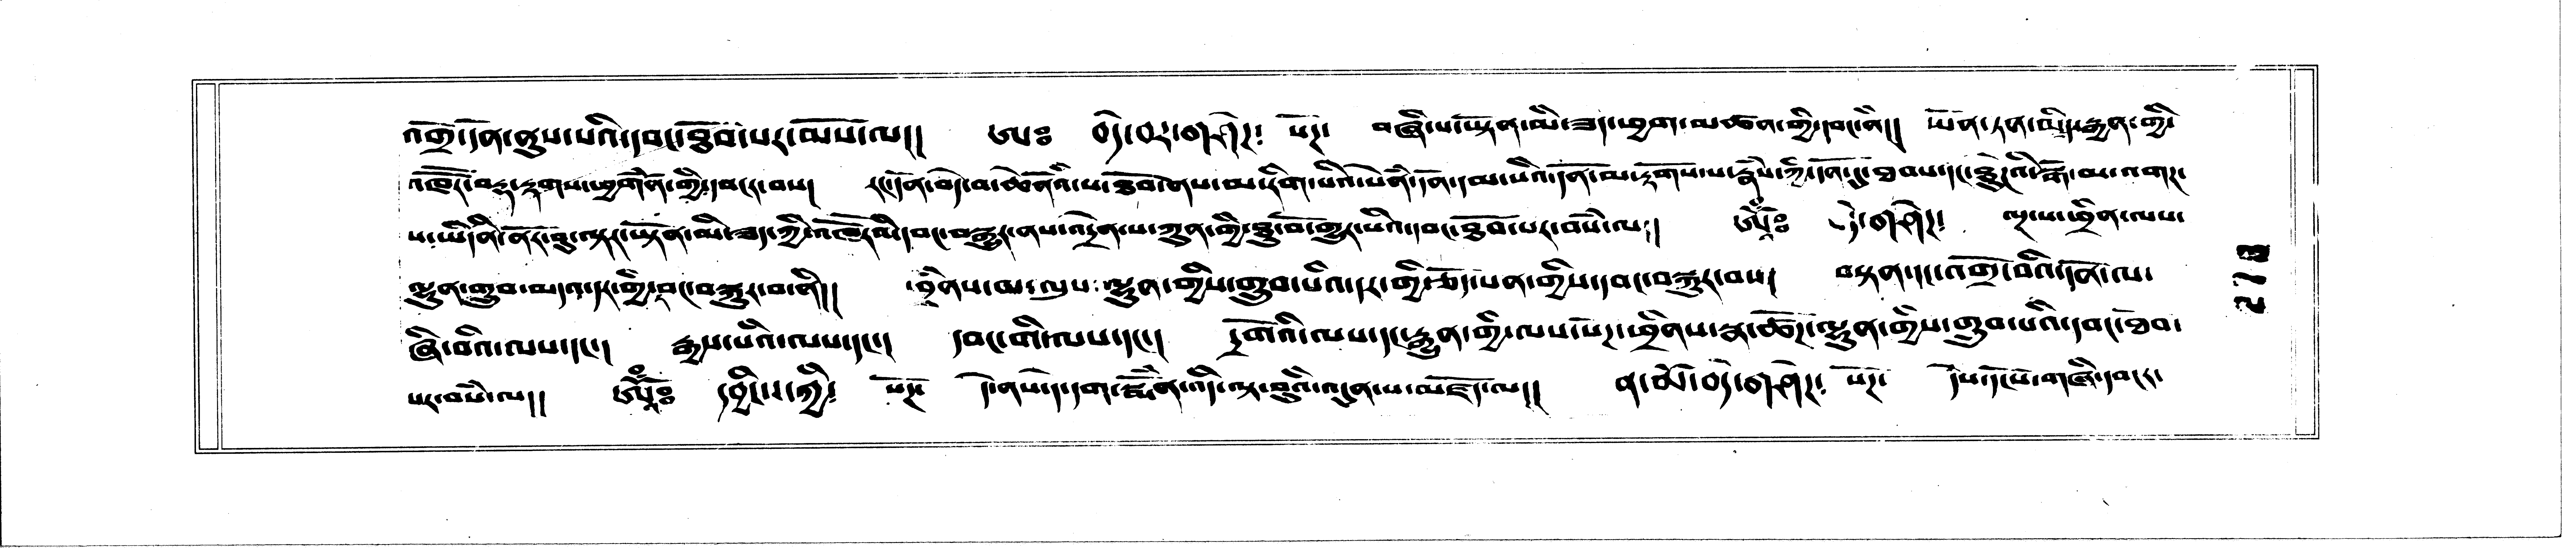འགྲོ་དོན་ནུས་པའི་དབང་ཐོབ་པར་མོས་ལ། ཨཿ བདེར་གཤེགས། སོགས། བཞི་པ་ཡོན་ཏན་མི་བཟད་ཕྱག་མཚན་གྱི་དབང་ནི། ཡོན་ཏན་མི་བཟད་རྒྱན་གྱི་
འཁོར་ལོ་བརྡ་རྟགས་ཕྱག་མཚན་གྱི་དབང་བསྐུར་བས། རང་དོན་བདེ་བ་ཆེན་པོའི་ས་ཐོབ་ནས་མ་རིག་པའི་སེམས་ཅན་དོན་དམ་པའི་དོན་མ་རྟོགས་པ་རྣམས་ཀྱི་དོན་དུ་ཐབས་དང་ཐུགས་རྗེའི་སྒོ་མ་འགག་
པ་ཡིད་བཞིན་ནོར་བུ་ལྟར་ཡོན་ཏན་མི་བཟད་ཀྱི་འཁོར་ལོའི་དབང་བསྒྱུར་ནས་འདྲེན་པ་ཀུན་གྱི་ཐུ་བོར་གྱུར་པའི་དབང་ཐོབ་པར་བསམ་ལ། ཨཱོྃཿ བདེར་གཤེགས། ལྔ་པ་ཕྲིན་ལས་
ལྷུན་གྲུབ་མདའ་དར་གྱི་དབང་བསྐུར་བ་ནི། འཕྲིན་ལས་མ་ལུས་ལྷུན་གྱིས་གྲུབ་པའི་མདའ་དར་གྱི་ཅོད་པཎ་གྱི་དབང་བསྐུར་བས། བསྟན་དང་འགྲོ་བའི་དོན་ལ་
ཞི་བའི་ལས་དང་། རྒྱས་པའི་ལས་དང་། དབང་གི་ལས་དང་། དྲག་པོའི་ལས་དང་། རྒྱུན་གྱི་ལས་སོགས་ཕྲིན་ལས་སྣ་ཚོགས་ལྷུན་གྱིས་གྲུབ་པའི་དབང་ཐོབ་
པར་བསམ་ལ། ཨཱོྃཿ དབྱིངས་ཀྱི། སོགས། དེ་ནས་དེ་དག་སྨོན་ལམ་འདི་ལྟ་བུའི་འདུན་པ་མཛོད་ལ། ན་མོ་བདེར་གཤེགས་སོགས། དེས་དངོས་གཞི་དབང་